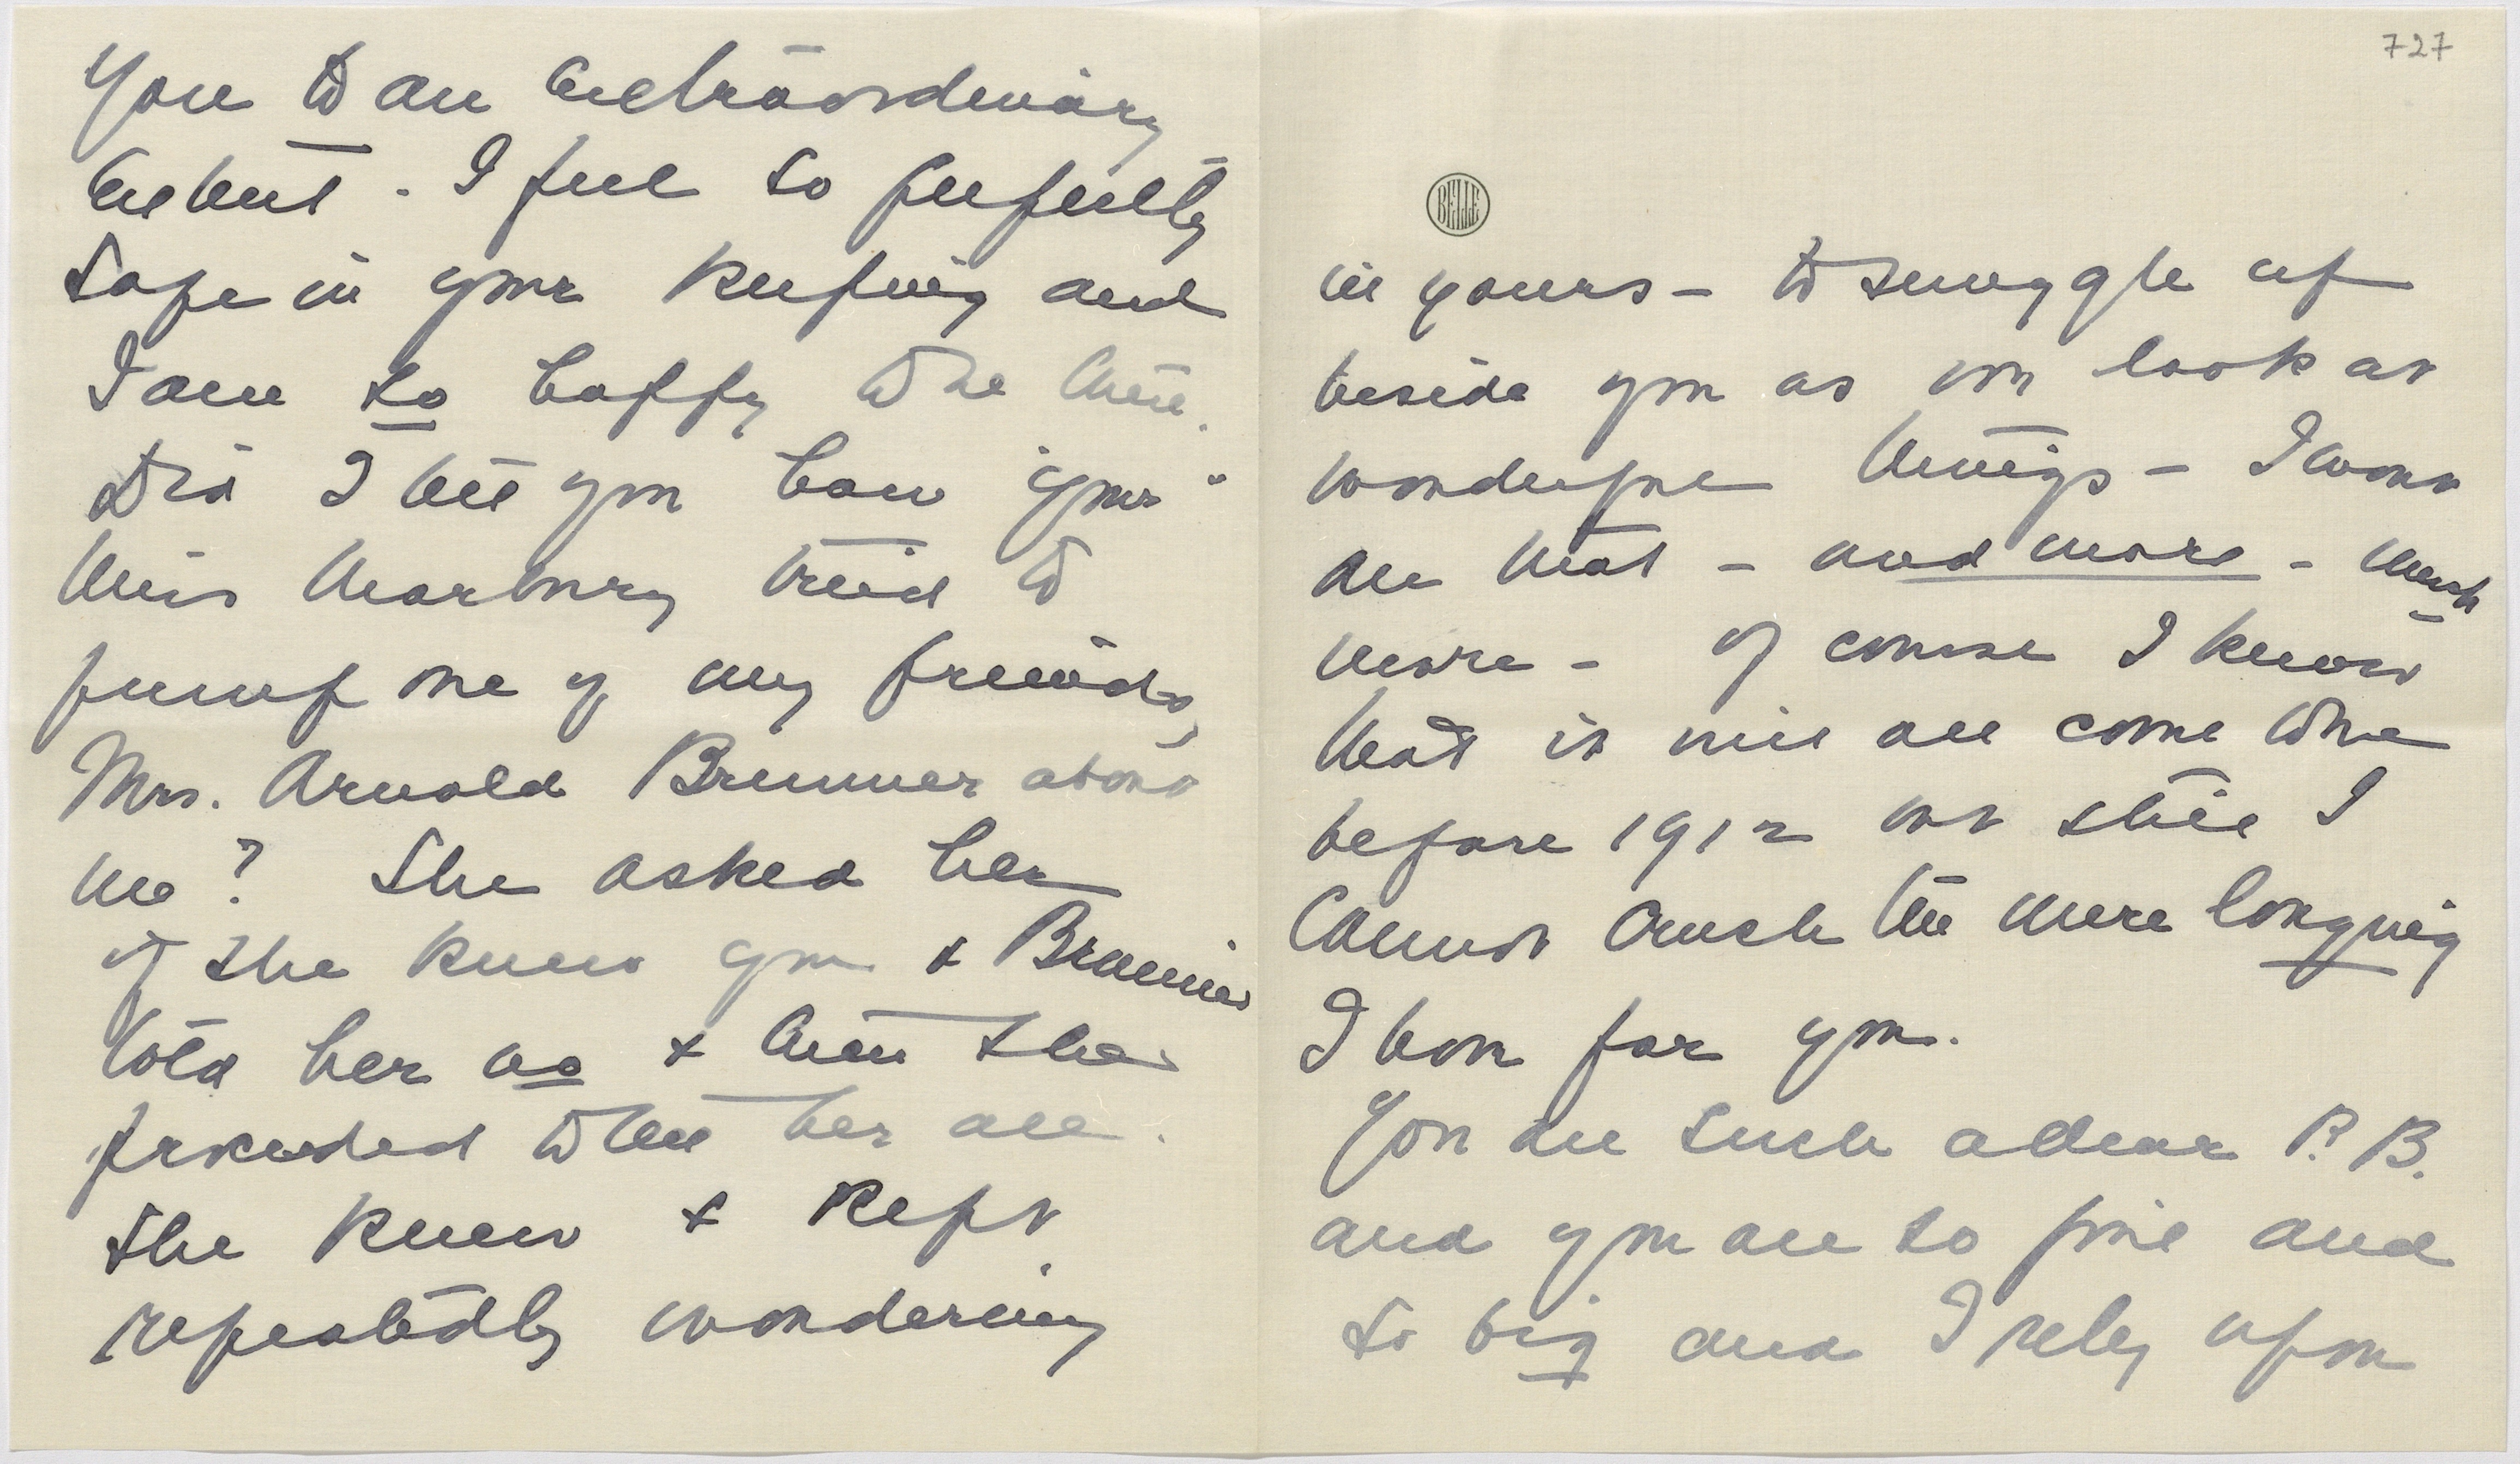in yours – to snuggle up beside you as we look at wonderful things – I want all that – and more – much more – of course I know that it will all come to me before 1912 but still I cannot crush the mere longing I have for you.
You are such a dear B. B. and you are so fine and so big and I rely upon
you to an extraordinary extent. I feel so perfectly safe in your keeping and I am so happy to be there. Did I tell you how “your” Miss Marbury tried to pump one of my friends, Mrs. Arnold Brunner about me? She asked her if she knew you & Brunner told her no & then she proceeded to tell her all she knew & kept repeatedly wondering